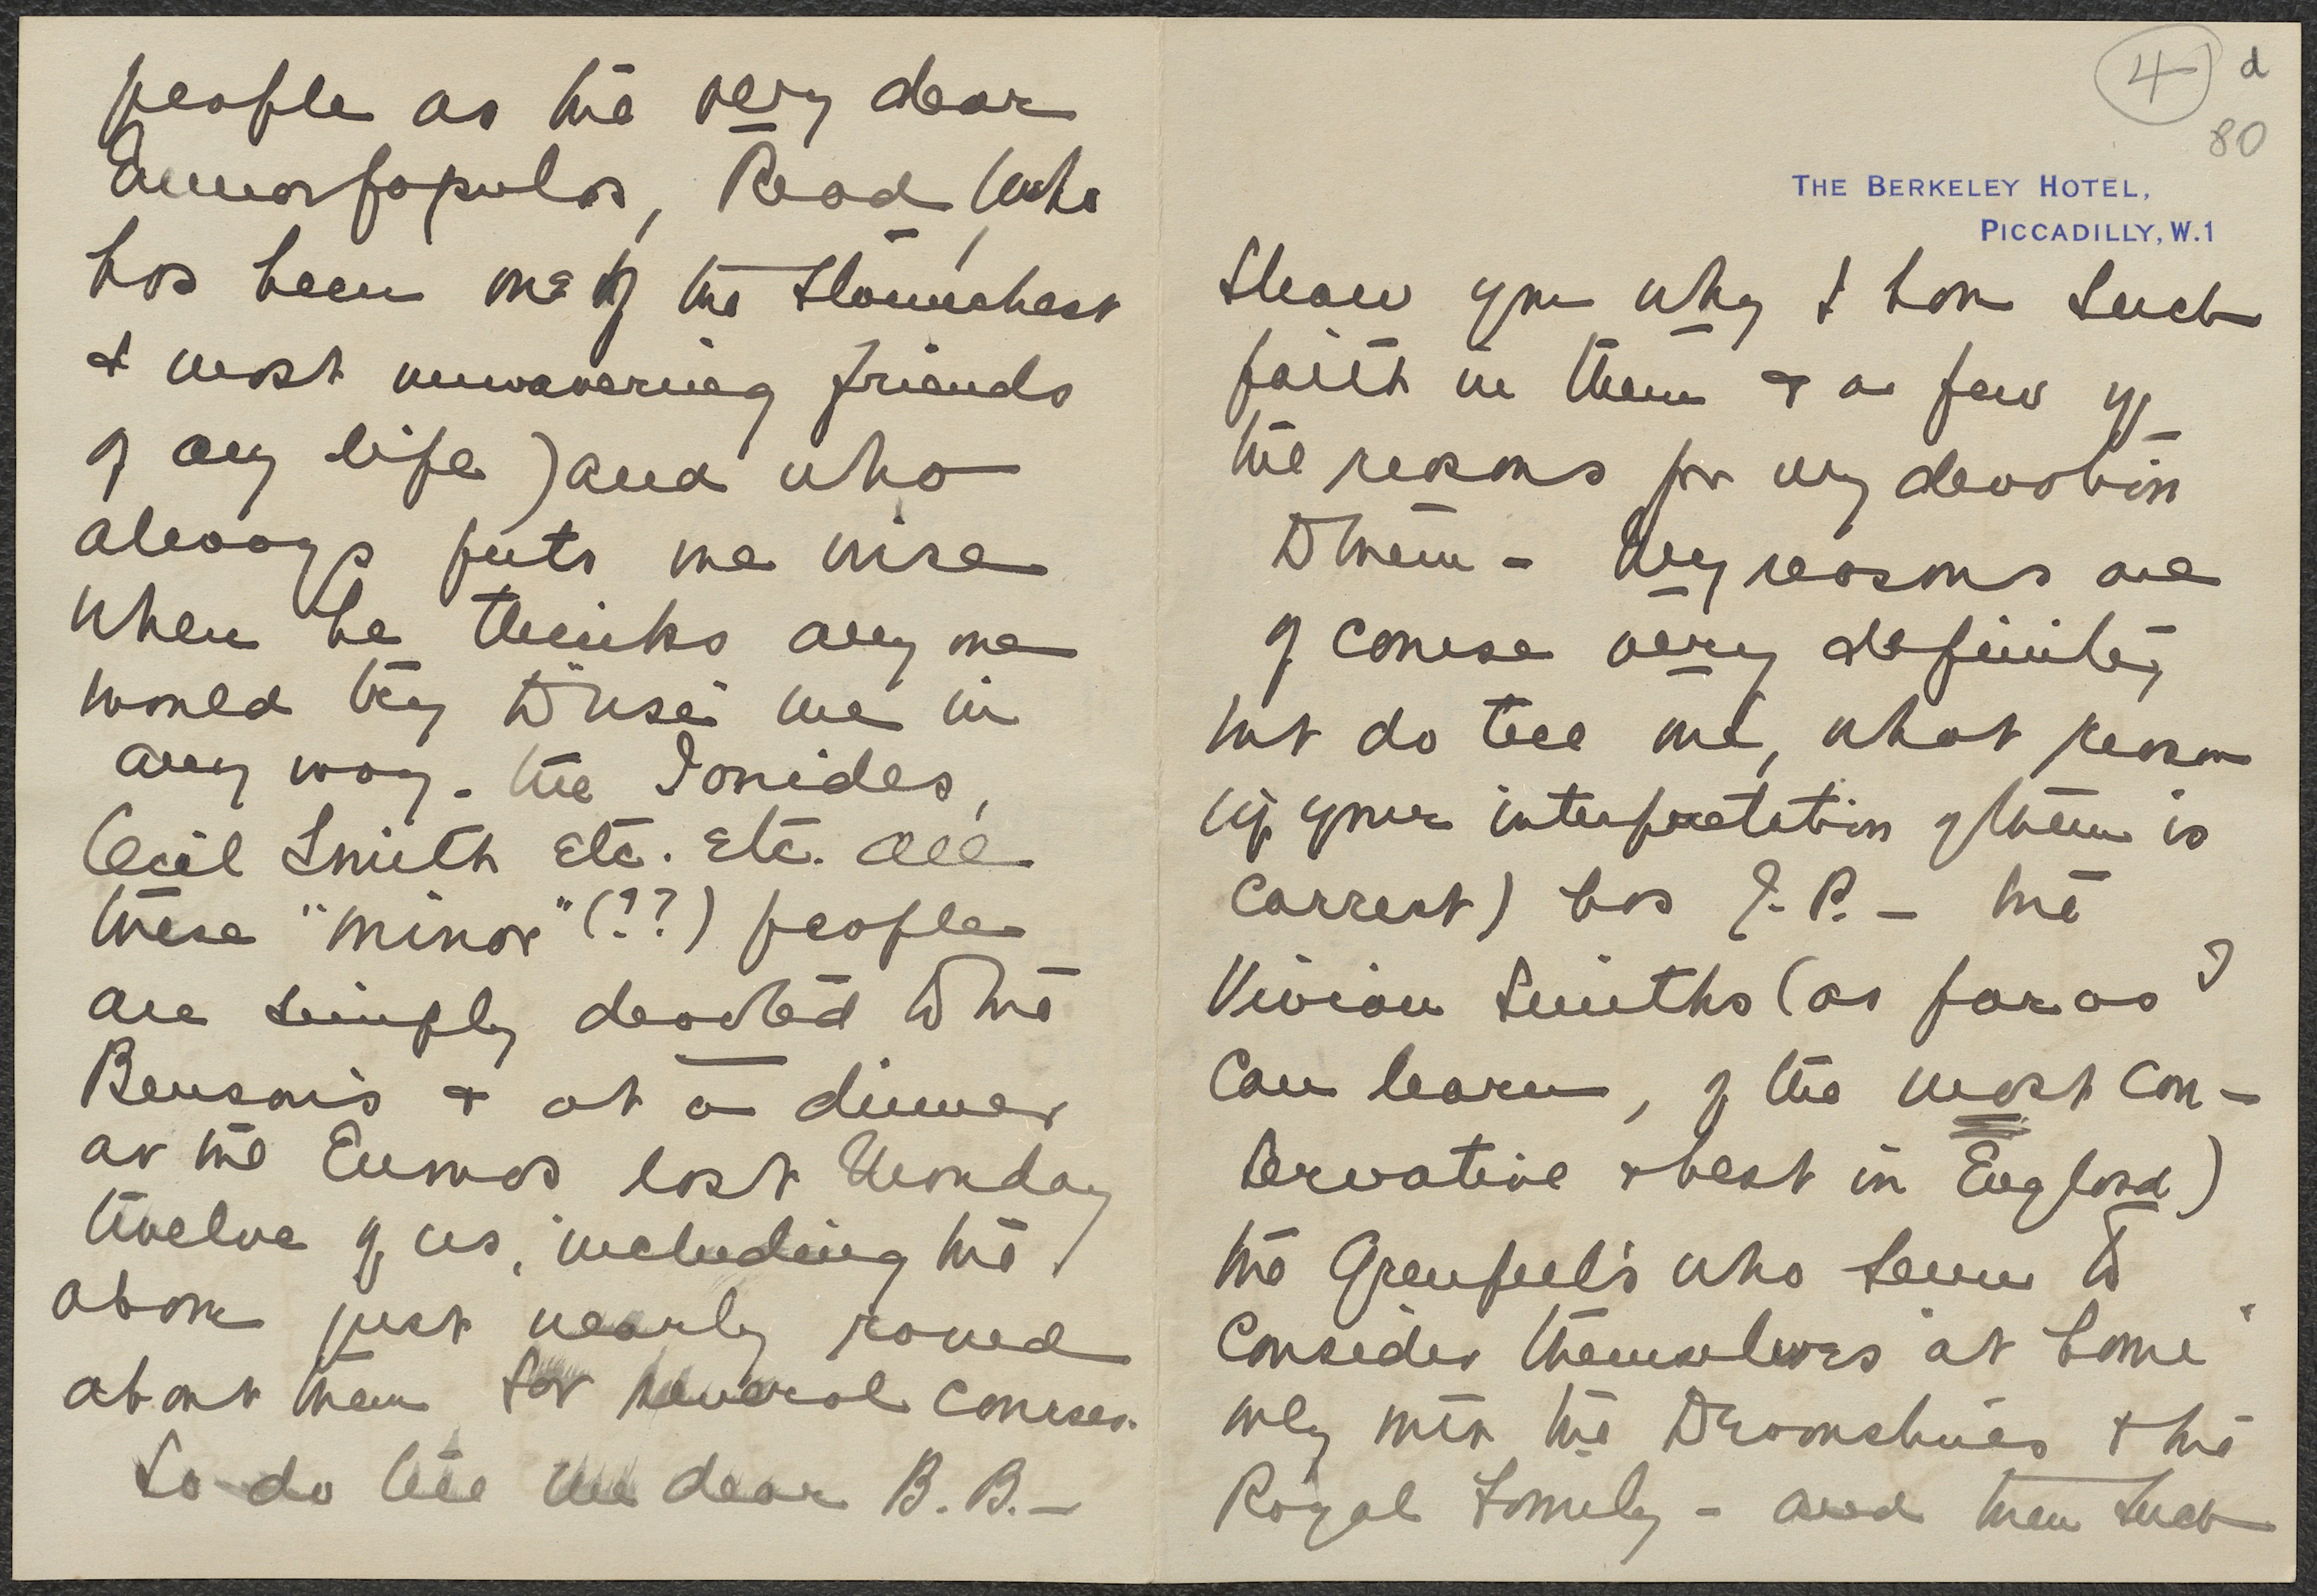show you why I have such faith in them & a few of the reasons for my devotion to them – My reasons are of course very definite, but do tell me, what reason (if your interpretation of them is correct) has J.P. – the Vivian Smiths (as far as I can learn, of the [double underlined: most] conservative & best in England) the Grenfell's who seem to consider themselves at home only with the Devonshires & the Royal Family – and then such
people as the very dear Eumorfopoulos, Read, (who has been one of the staunchest & most unwavering friends of my life) and who always puts me wise when he thinks any one would try to "use" me in any way – the Ionides, Cecil Smith etc. etc. All these "minor" (??) people are simply devoted to the Benson's & at a dinner at the Eumos last Monday twelve of us, including the above just nearly raved about them for several courses.
So do tell me dear B.B. –